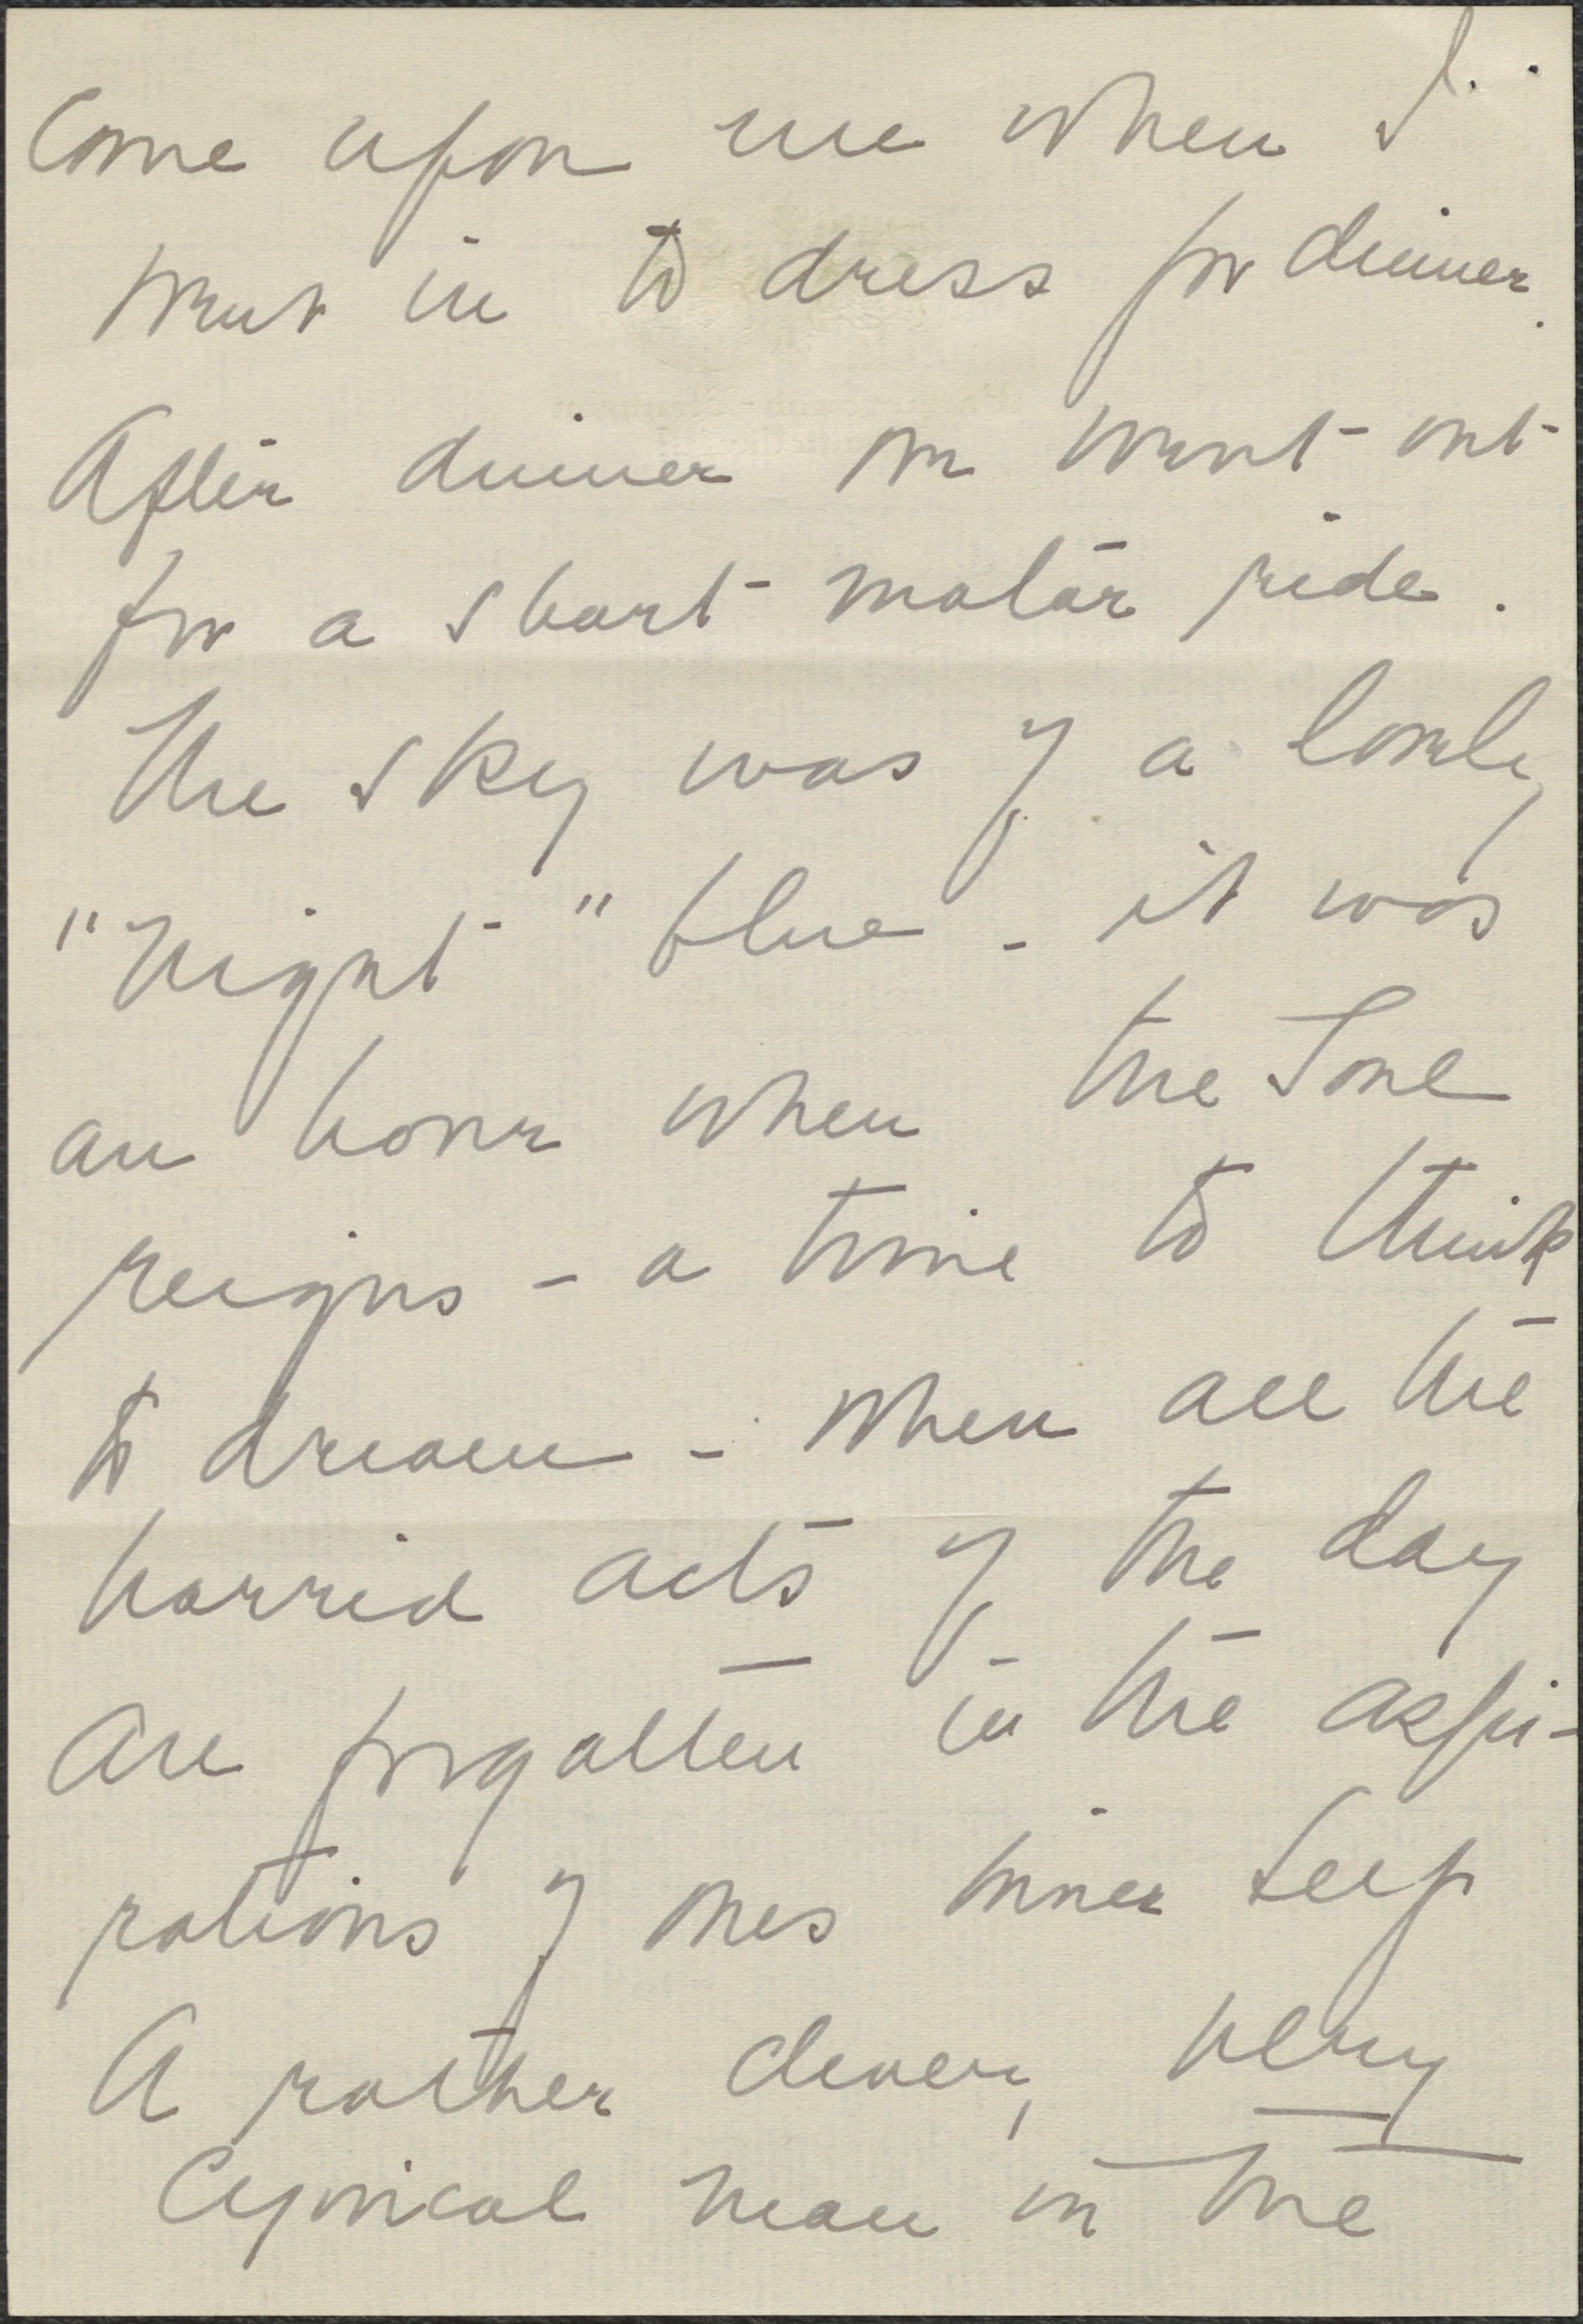come upon me when I went in to dress for dinner. After dinner we went out for a short motor ride. The sky was of a lovely “night” blue – it was an hour when the soul reigns – a time to think to dream – when all the horrid acts of the day are forgotten in the aspirations of ones inner self
A rather clever, very cynical man in the